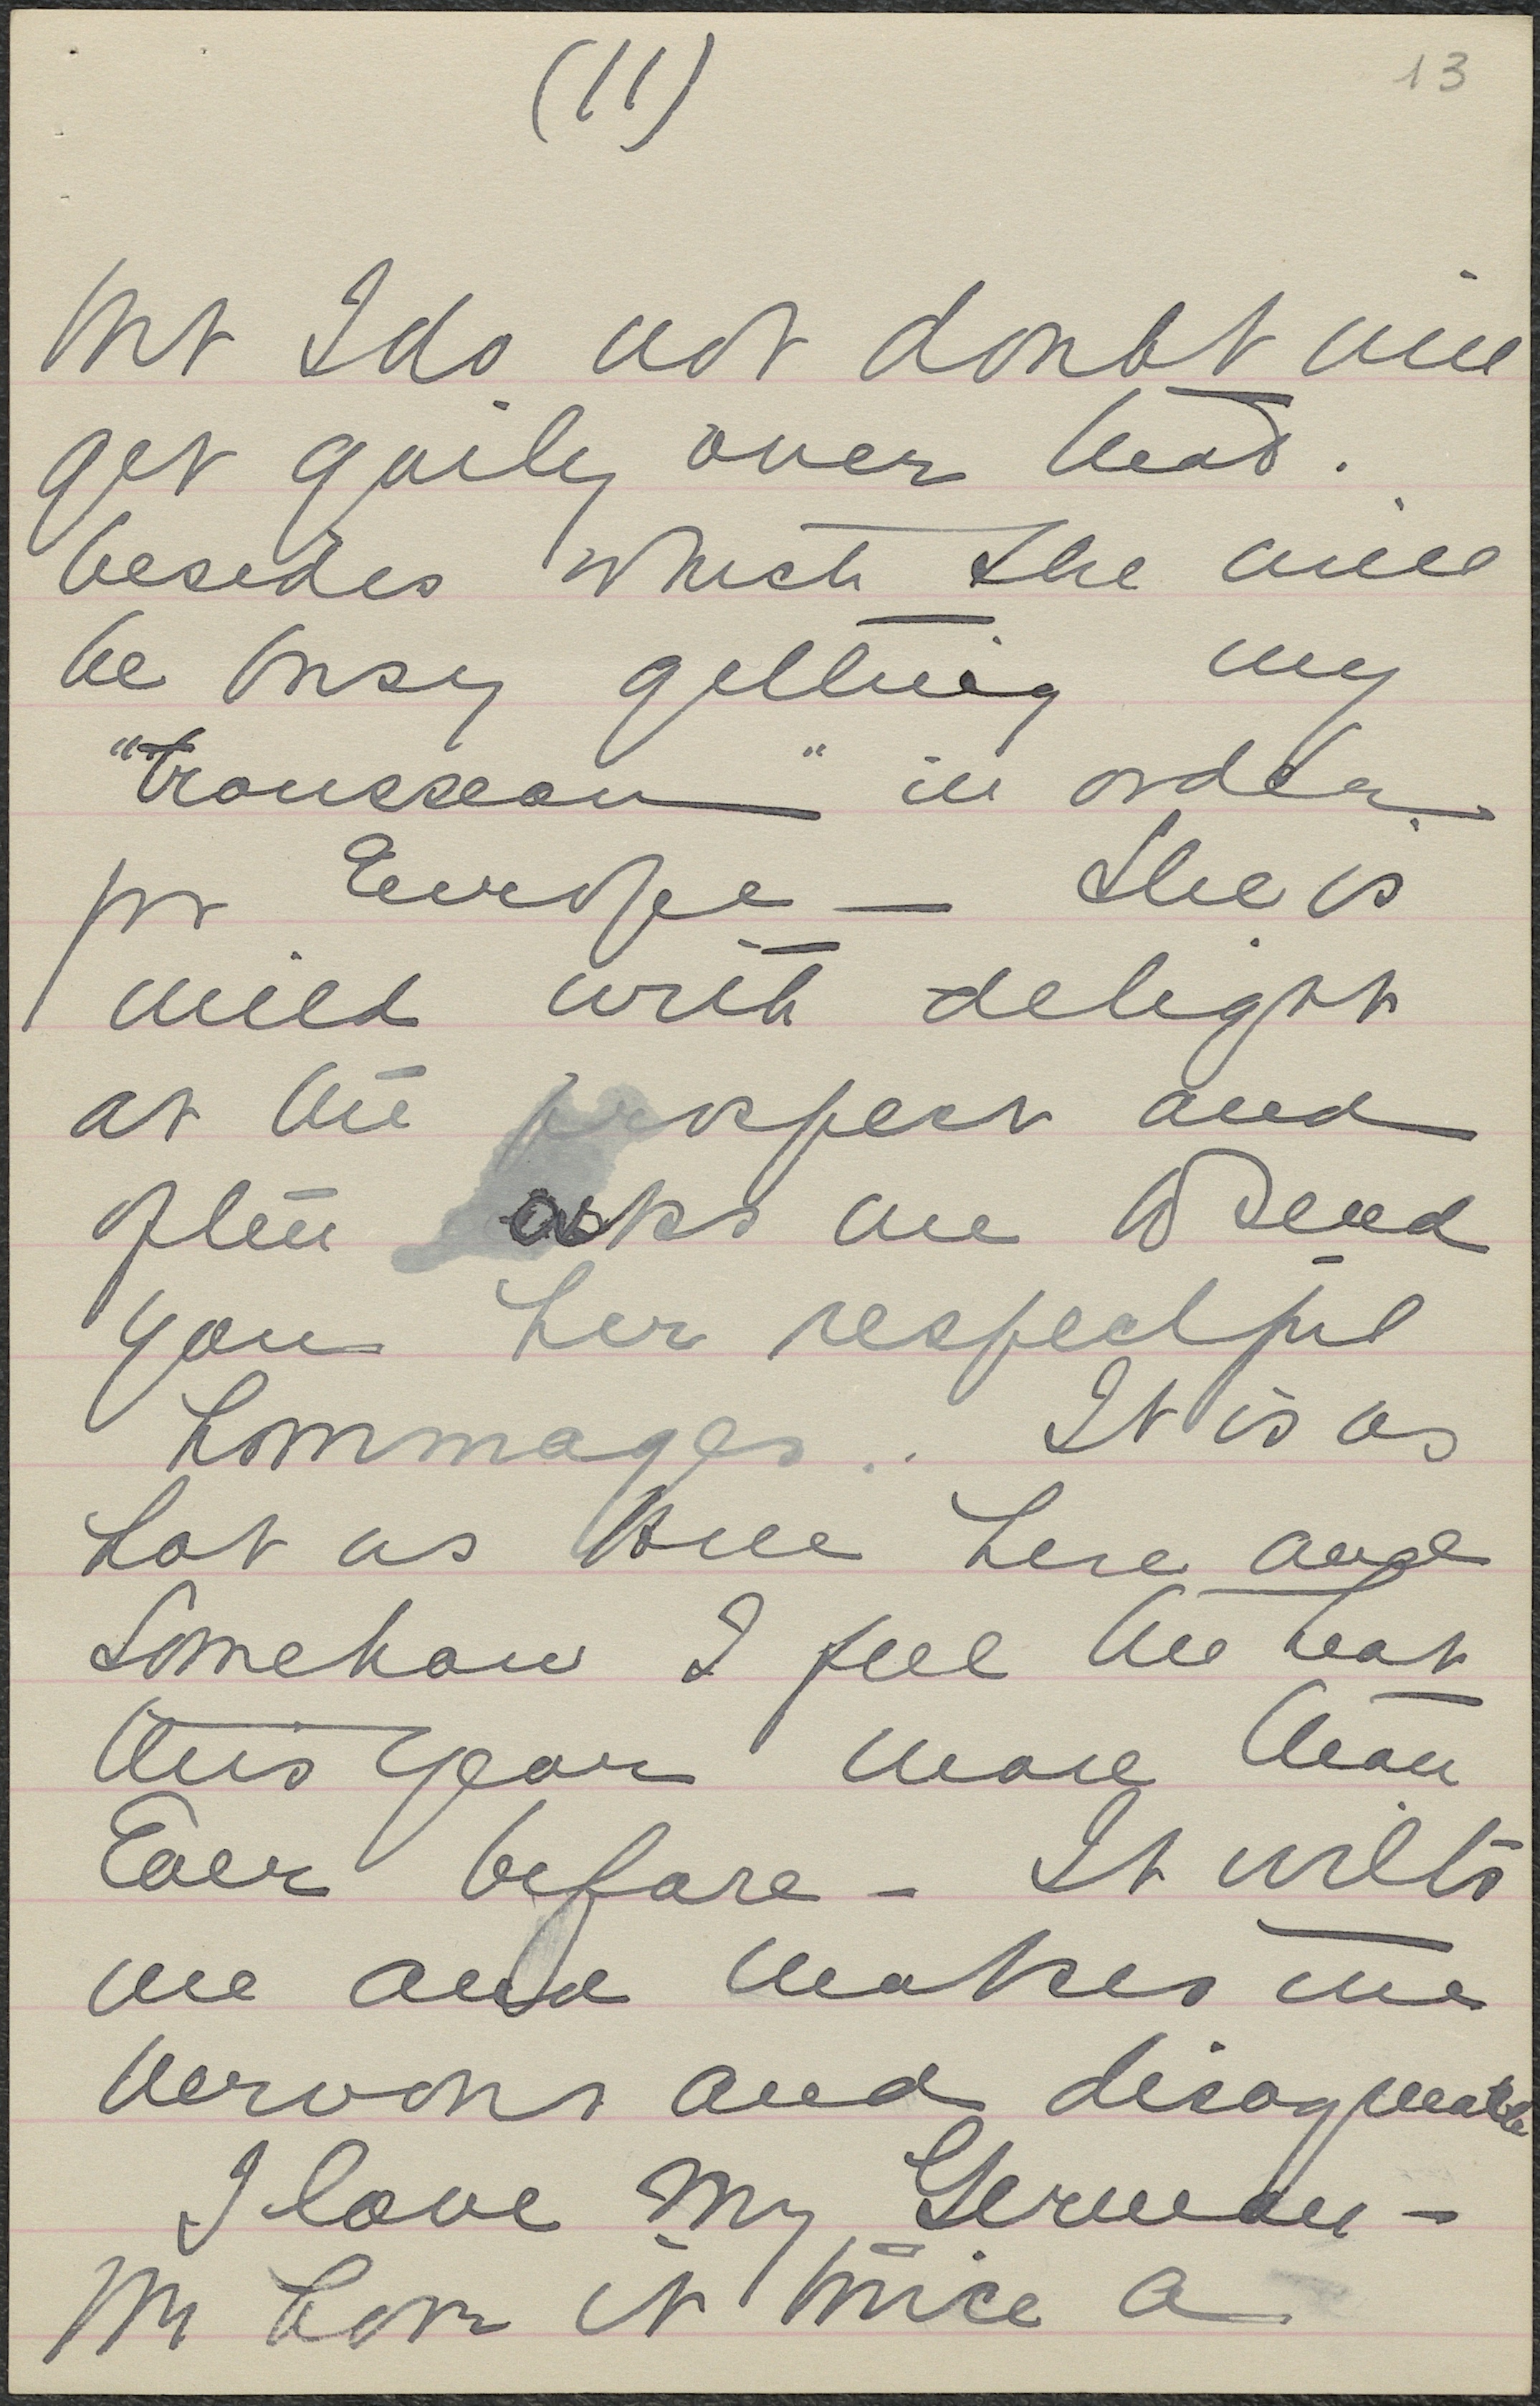(11)
but I do not doubt will get gaily over that. besides which she will be busy getting my “trousseau” in order for Europe – She is wild with delight at the prospect and often asks me to send you her respectful hommages. It is as hot as Hell here and somehow I feel the heat this year more than ever before – It wilts me and makes me nervous and disagreeable
I love my German we have it twice a